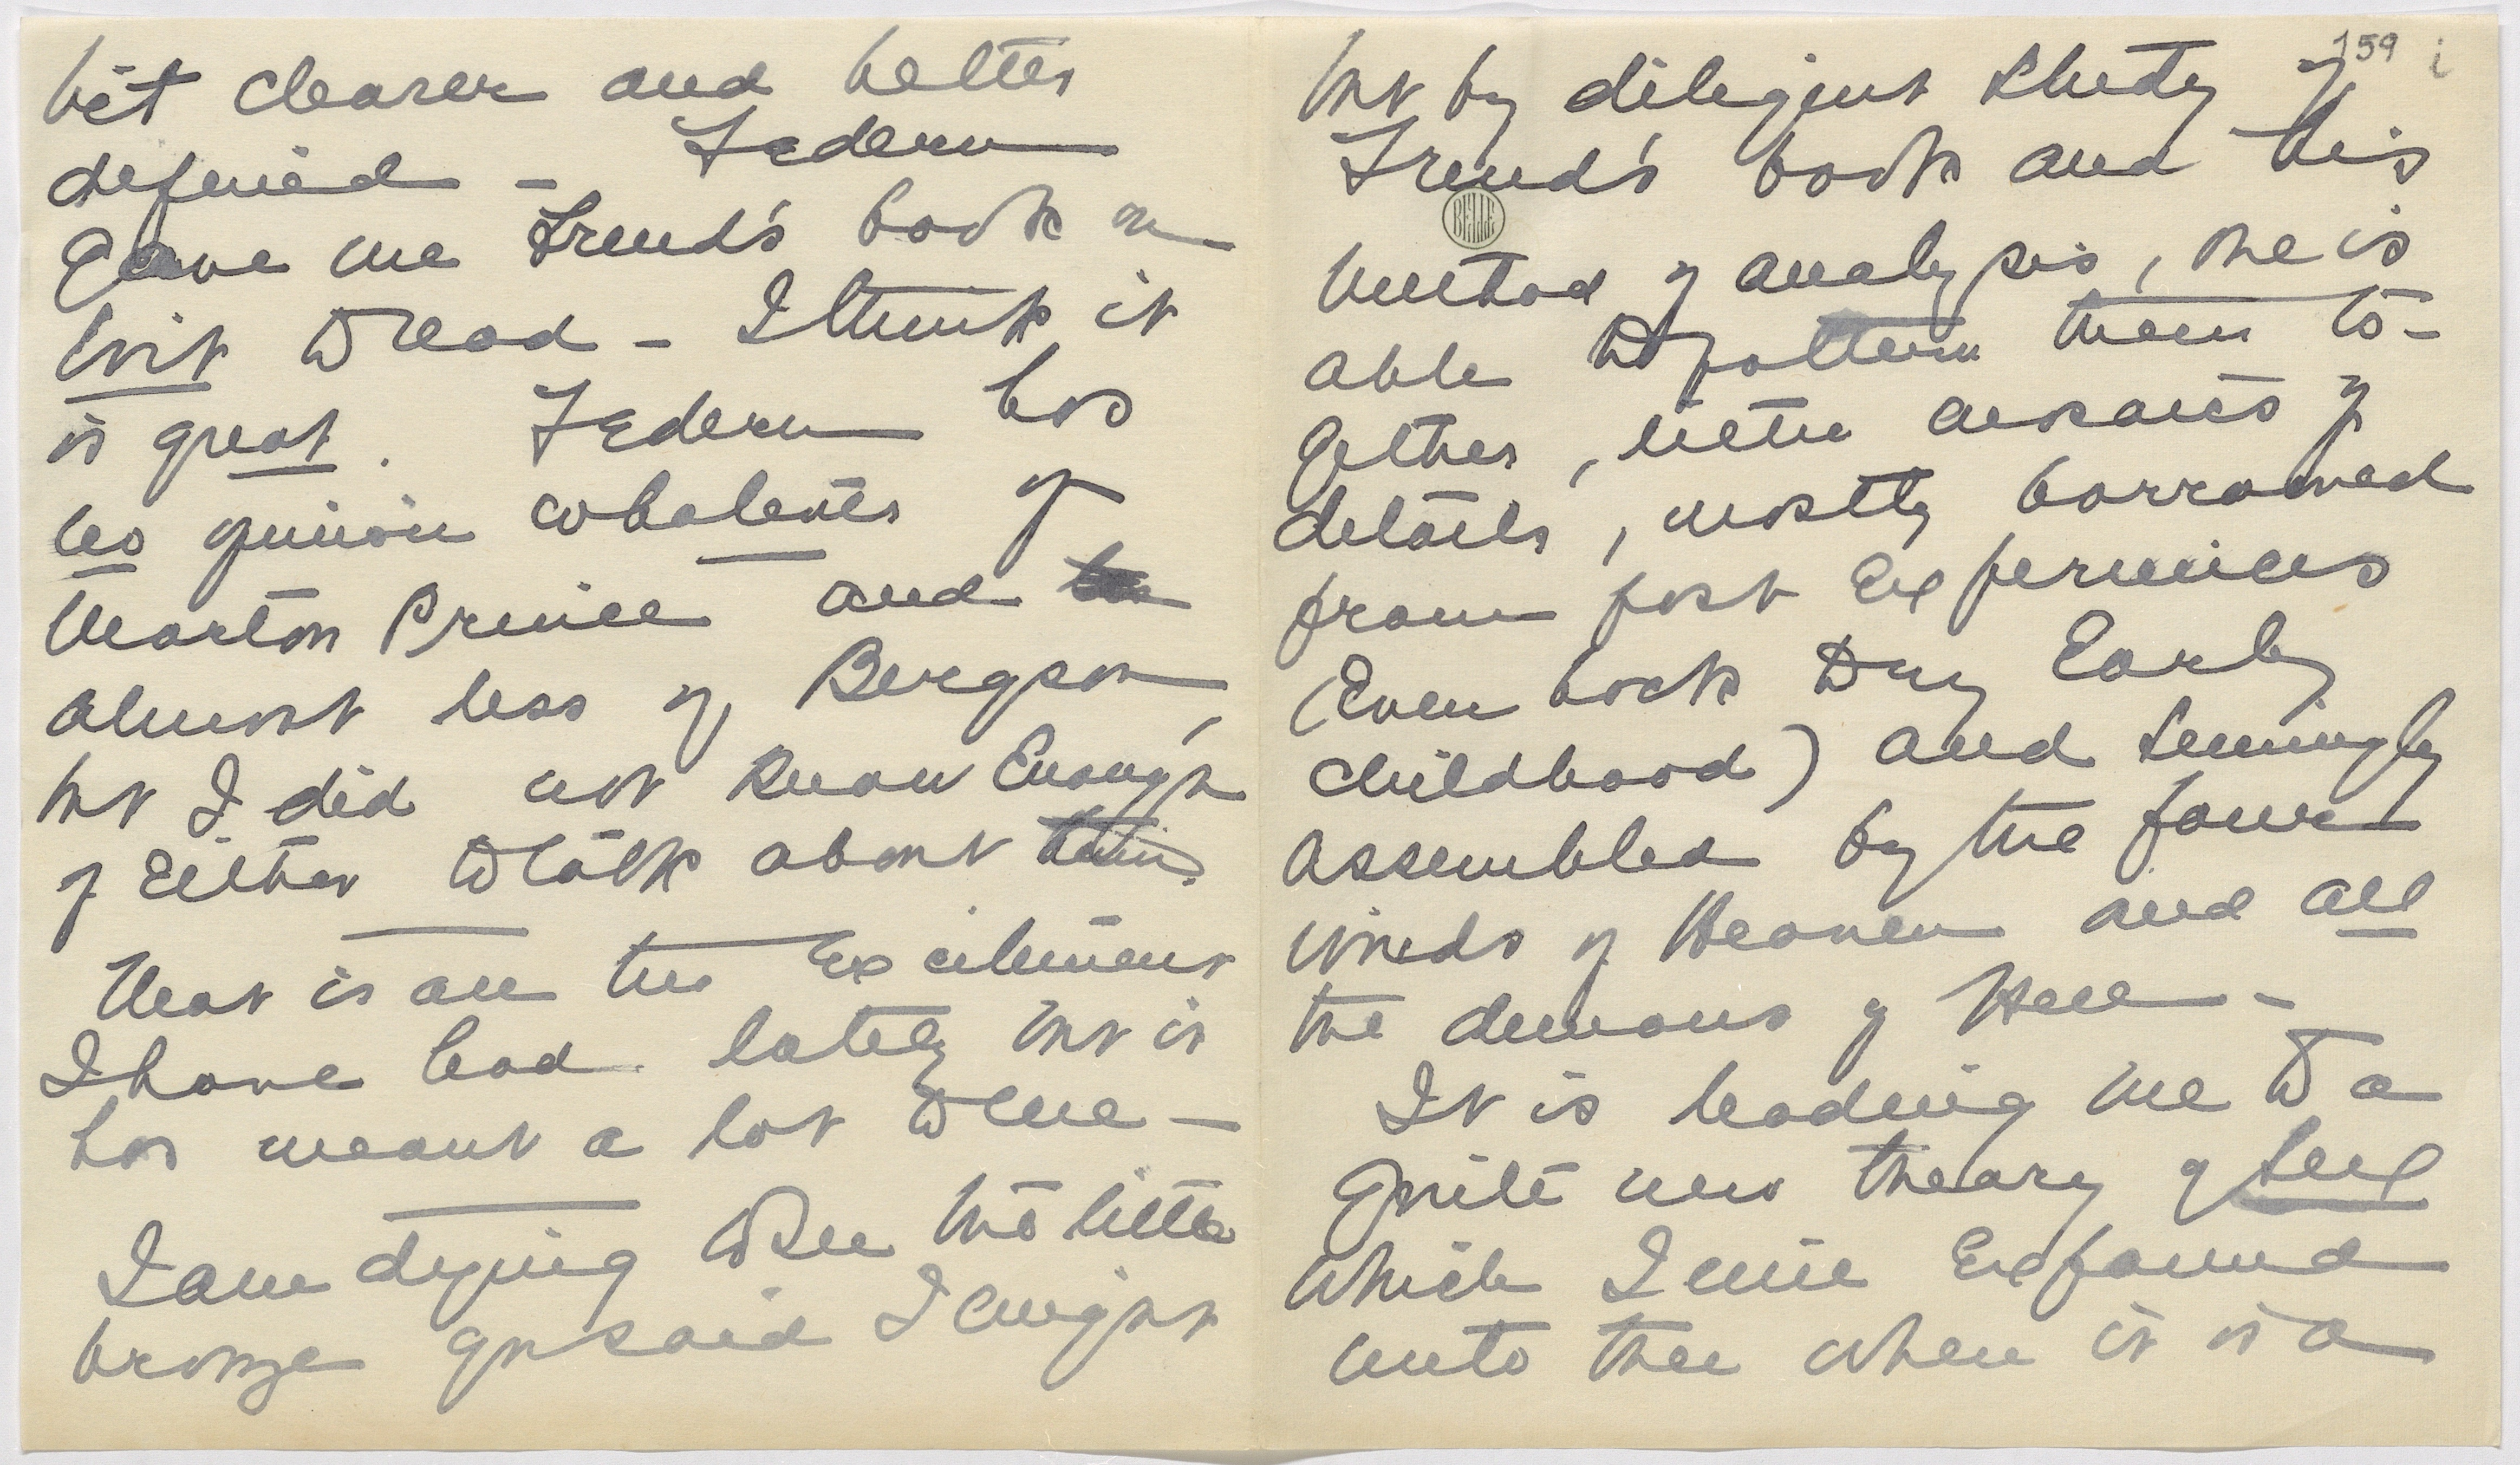but by diligent study of Freud’s book and his method of analysis, one is able to pattern them together, little mosaics of details, mostly borrowed from past experiences (even back to my early childhood) and seemingly assembled by the four winds of Heaven and all the demons of Hell –
It is leading me to a quite new theory of self which I will expound unto thee when it is a
bit clearer and better defined – Federn gave me Freud’s book on wit to read – I think it is great. Federn has no opinion whatever of Morton Prince and les almost less of Bergson but I did not know enough of either to talk about them.
That is all the excitement I have had lately but it has meant a lot to me –
𑁋
I am dying to see the little bronze you said I might